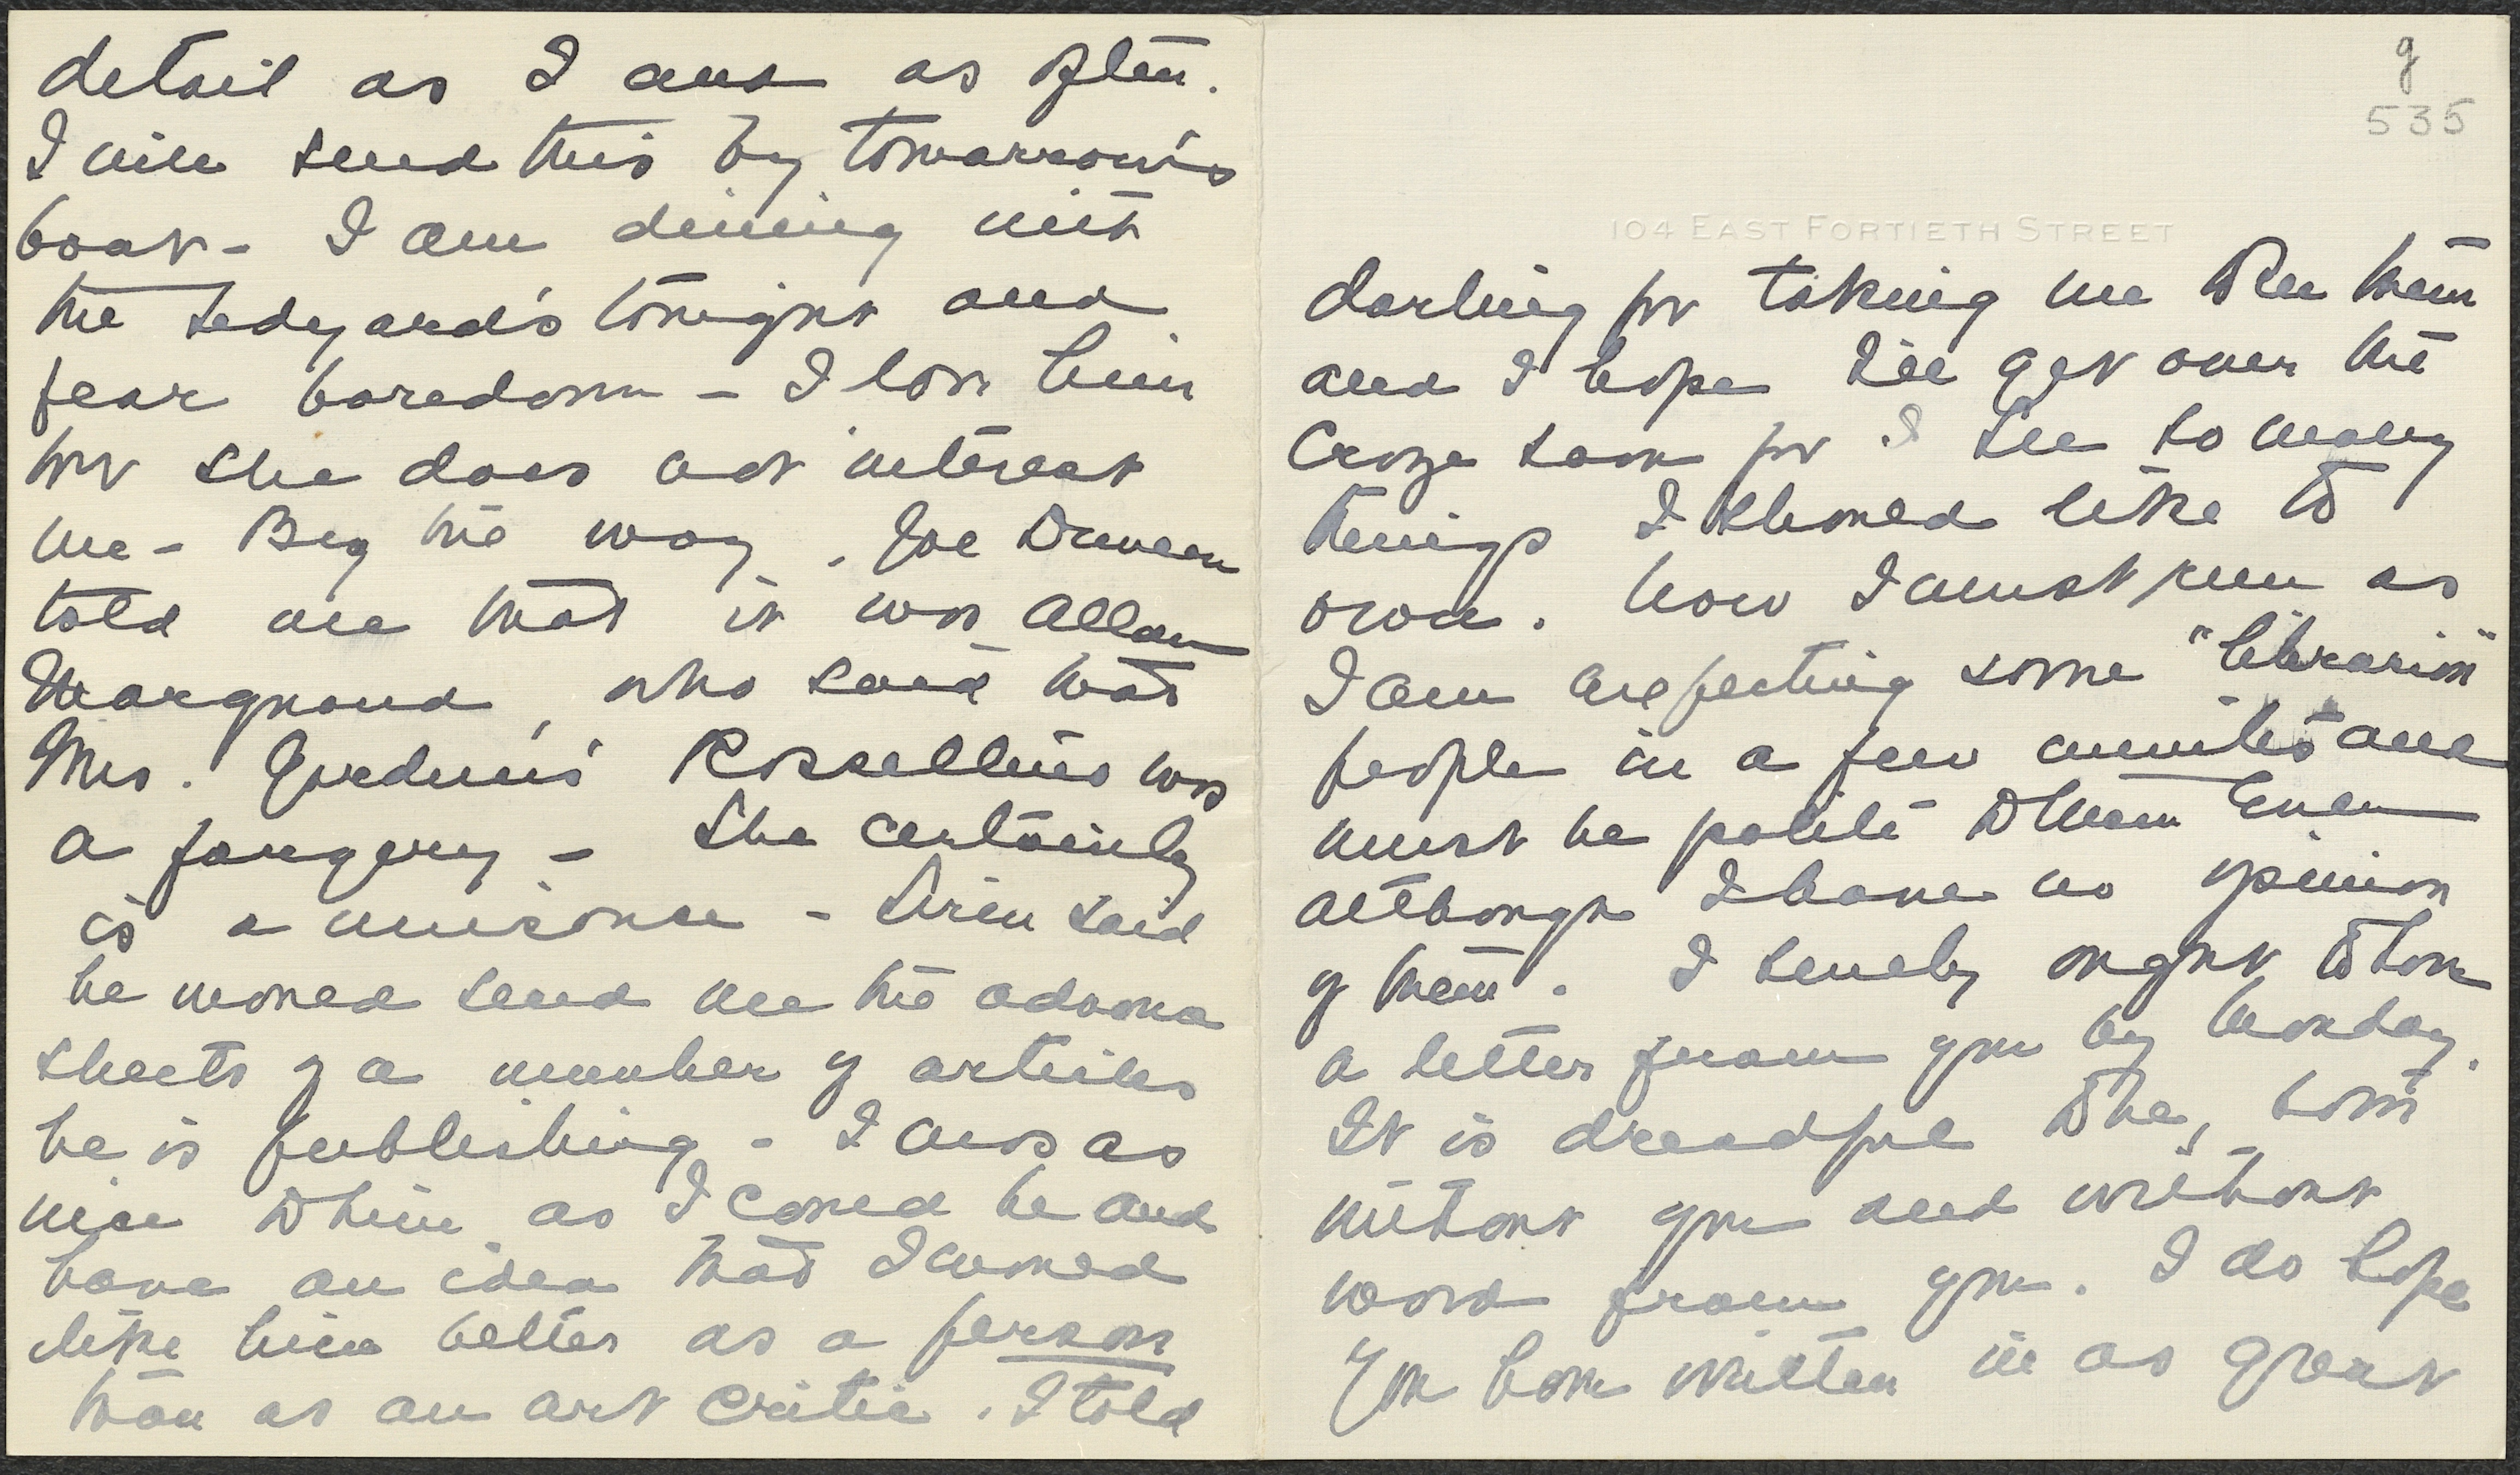darling for taking me to see them and I hope I’ll get over the craze soon for I see so many things I should like to own. Now I must run as I am expecting some “librarian” people in a few minutes and must be polite to them even although I have no opinion of them. I surely ought to have a letter from you by Monday. It is dreadful to be, both without you and without word from you. I do hope you have written in as great
detail as I and as often. I will send this by tomorrow’s boat – I am dining with the Ledyard’s tonight and fear boredom – I love him but she does not interest me – By the way, Joe Duveen told me that it was Allan Marquand, who said that Mrs. Gardner’s Rossellino was a forgery – She certainly is a nuisance – Siren said he would send me the advance sheets of a number of articles he is publishing – I was as nice to him as I could be and have an idea that I would like him better as a person than as an art critic. I told